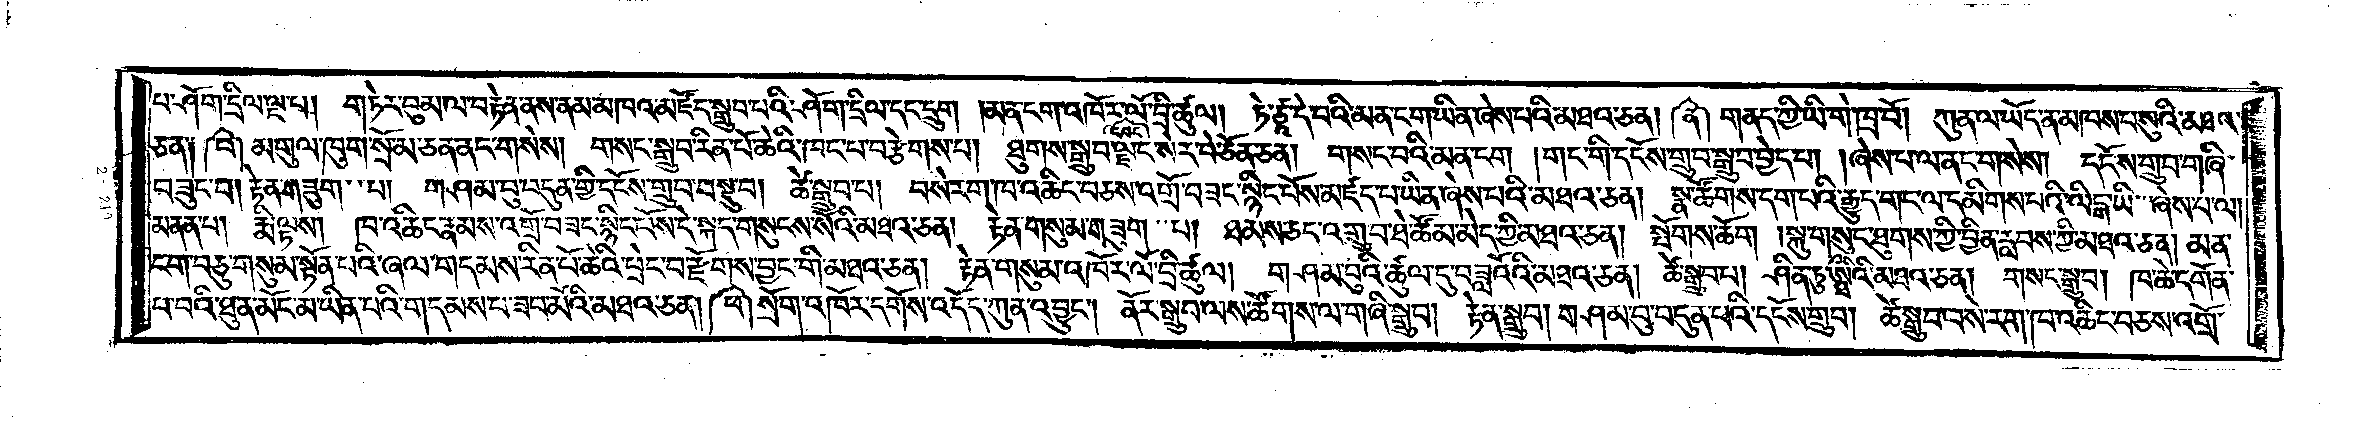པ་ཤོག་དྲིལ་ལྔ་པ། གཏེར་བུམ་ལ་བརྟེན་ནས་ནམ་མཁའ་མཛོད་སྒྲུབ་པའི་ཤོག་དྲིལ་དང་དྲུག །མན་ངག་འཁོར་ལོ་བྲི་ཚུལ། ཏེ་ཙཱ་དེ་བའི་མང་ངག་ཡིན་ཞེས་པའི་མཐའ་ཅན། ༼ན༽ གནད་ཀྱི་ཡི་གེ་ཁ་བོ། ཀུན་ལ་ཡོད་ན་མཁས་པ་སུའི་མཐའ་
ཅན། ༼པ༽ མགུལ་ཁུག་སྲོ་མ་ཅན་ངང་གསེས། གསངས་སྒྲུབ་རིན་པོ་ཆེའི་ཁང་པ་བརྩེགས་པ། ཐུགས་སྒྲུབ་ལྗང་སེར་བེ་ཅོན་ཅན། གསང་བའི་མན་ངག །གང་གི་དངོས་གྲུབ་སྒྲུབ་བྱེད་པ། །ཞེས་པ་ལ་ནང་གསེས། དངོས་གྲུབ་གཞི་
བཟུང་བ། རྟེན་གཟུག་པ། གཤམ་བུ་བདུན་གྱི་དངོས་གྲུབ་བརྫུབ། ཚེ་སྒྲུབ་པ། བསེ་རག་ཁ་འཆིང་བཅས་འགྲོ་ཟང་སྙིང་པོས་མཛད་པ་ཡིན་ཞེས་པའི་མཐའ་ཅན། སྣ་ཚོགས་དག་པའི་གྱུ་གང་ལ་དམིགས་པའི་ལིངྒ་ཡི་ཞེས་པ་ལ་
མནན་པ། རྨི་ལྟས། ཁ་འཆིང་རྣམས་འགྲོ་བཟང་སྙིང་པོས་དེ་སྐད་གཟུངས་སོའི་མཐའ་ཅན། རྟེན་གསུམ་གཟུགས་པ། ཐམས་ཅད་འགྲུབ་ཐེ་ཚོམ་མེད་ཀྱི་མཐའ་ཅན། སྤོགས་ཆོག །སྐུ་གསུང་ཐུགས་ཀྱི་བྱིན་Vརླབས་ཀྱི་མཐའ་ཅན། མན་
ངག་བཅུ་གསུམ་སྟོན་པའི་ཞལ་གདམས་རིན་པོ་ཆེའི་ཕྲེང་བ་རྫོགས་བྱང་གི་མཐའ་ཅན། རྟེན་གསུམ་འཁོར་ལོ་བྲི་ཚུལ། གཤམ་བུའི་ཚུལ། དབུ་བཟླའོའི་མཐའ་ཅན། ཚེ་སྒྲུབ་པ། ཤིན་ཏུ་ཨྀཨཐྀའི་མཐའ་ཅན། གསངས་གྲུབ། ཁ་ཆེ་དགོན་
པ་བའི་ཐུན་མོང་མ་ཡིན་པའི་གདམས་པ་ཟབ་མོའི་མཐའ་ཅན། ༼ཕ༽ སྲོག་འཁོར་དགོས་འདོད་ཀུན་འབྱུང་། ནོར་སྒྲུབ་ལས་ཚོགས་ལ་གཞི་སྒྲུབ། རྟེན་སྒྲུབ། གཤམ་བུ་བདུན་པའི་དངོས་གྲུབ། ཚེ་སྒྲུབ་བསེ་རག་ཁ་འཆིང་བཅས་འགྲོ་